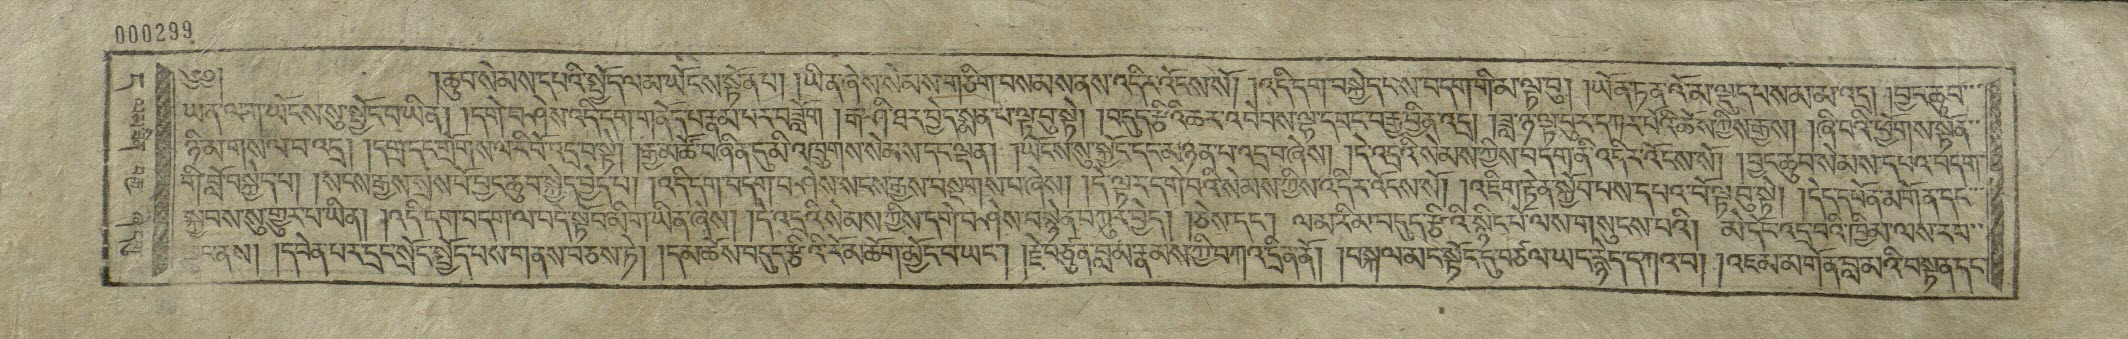༄༅། །ཆུབ་སེམས་དཔའི་སྤྱོད་ལམ་ཡོངས་སྟོན་པ། །ཡིན་ཞེས་སེམས་གཅིག་བསམས་ནས་འདིར་འོངས་སོ། །འདི་དག་བསྐྱེད་པས་བདག་གི་མ་ལྟ་བུ། །ཡོན་ཏན་འོ་མ་ལྡུད་པས་མ་མ་འདྲ། །བྱང་ཆུབ་
ཡན་ལག་ཡོངས་སུ་སྦྱོང་བ་ཡིན། །དགེ་བཤེས་འདི་དག་གནོད་པ་རྣམ་པར་བཟློག །རྒ་ཤི་ཐར་བྱེད་སྨན་པ་ལྟ་བུ་སྟེ། །བདུད་རྩིའི་ཆར་འབེབས་ལྷ་དབང་བརྒྱ་བྱིན་འདྲ། །ཟླ་ཉ་ལྟ་བུར་དཀར་པོའི་ཆོས་ཀྱིས་རྒྱས། །ཞི་བའི་ཕྱོགས་སྟོན་
ཉི་མ་གསལ་བ་འདྲ། །དགྲ་དང་གྲོགས་ལ་རི་བོ་འདྲ་བ་སྟེ། །རྒྱ་མཚོ་བཞིན་དུ་མི་འཁྲུགས་སེམས་དང་ལྡན། །ཡོངས་སུ་སྐྱོང་དང་མཉན་པ་འདྲ་བ་ཞེས། །དེ་འདྲའི་སེམས་ཀྱིས་བདག་ནི་འདིར་འོངས་སོ། །བྱང་ཆུབ་སེམས་དཔའ་བདག་
གི་བློ་བསྐྱེད་པ། །སངས་རྒྱས་སྲས་པོ་བྱང་ཆུབ་སྐྱེད་བྱེད་པ། །འདི་དག་བདག་བཤེས་སངས་རྒྱས་བསྔགས་པ་ཞེས། །དེ་ལྟར་དགེ་བའི་སེམས་ཀྱིས་འདིར་འོངས་སོ། །འཇིག་རྟེན་སྐྱོབ་པས་དཔའ་བོ་ལྟ་བུ་སྟེ། །དེད་དཔོན་མགོན་དང་
སྐྱབས་སུ་གྱུར་པ་ཡིན། །འདི་དག་བདག་ལ་བདེ་སྟོབ་མིག་ཡིན་ཞེས། །དེ་འདྲའི་སེམས་ཀྱིས་དགེ་བཤེས་བསྙེན་བཀུར་བྱེད། །ཅེས་དང་། ལམ་རིམ་བདུད་རྩིའི་སྙིང་པོ་ལས་གསུངས་པའི། མེ་དོང་འདྲ་བའི་ཁྱིམ་ལས་རབ་
བྱུང་ནས། །དབེན་པར་དྲང་སྲོང་སྤྱོད་པས་གནས་བཅས་ཏེ། །དམ་ཆོས་བདུད་རྩིའི་རོ་མཆོག་མྱོང་བ་ཡང་། །རྗེ་བཙུན་བླ་མ་རྣམས་ཀྱི་བཀའ་དྲིན་ནོ། །བསྐལ་མང་སྟོང་དུ་བཙལ་ཡང་རྙེད་དཀའ་བ། །འཇམ་མགོན་བླ་མའི་བསྟན་དང་